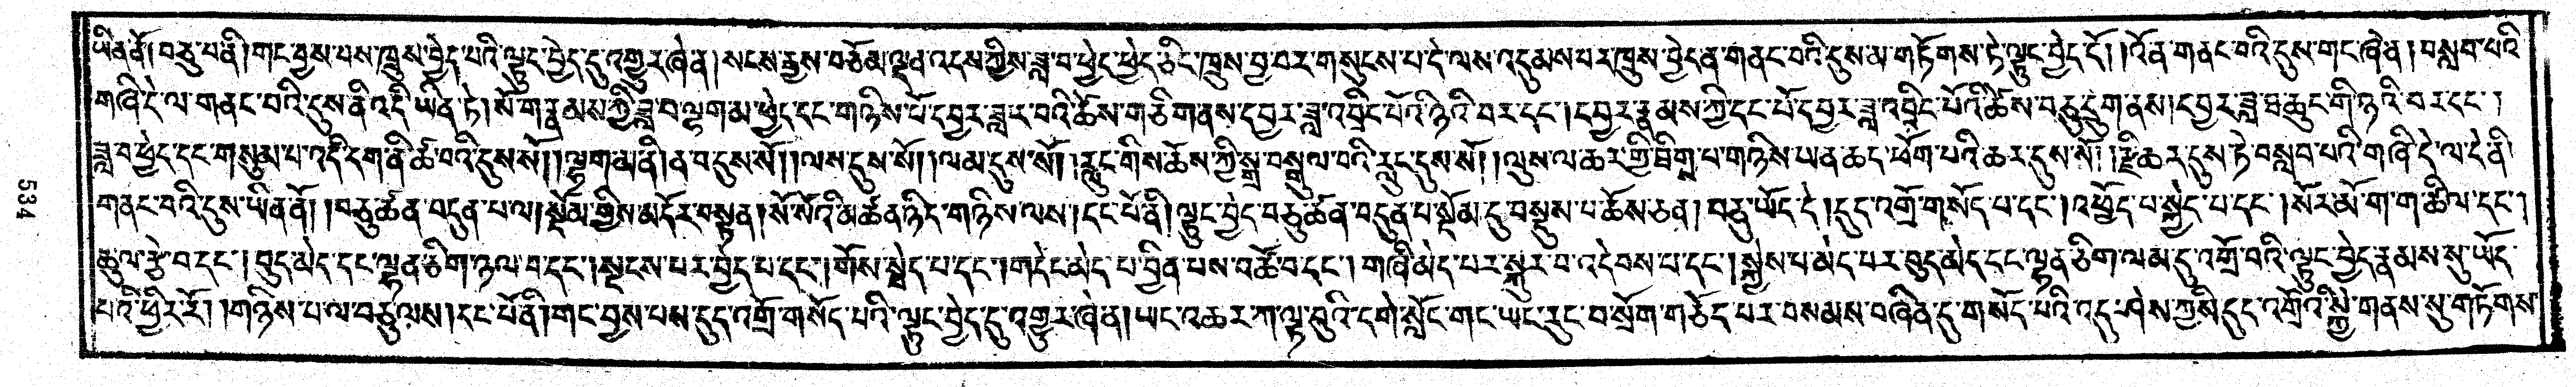ཡིན་ནོ། བཅུ་པ་ནི། གང་བྱས་པས་ཁྲུས་བྱེད་པའི་ལྟུང་བྱེད་དུ་འགྱུར་ཞེ་ན། སངས་རྒྱས་བཅོམ་ལྡན་འདས་ཀྱིས་ཟླ་བ་ཕྱེད་ཕྱེད་ཅིང་ཁྲུས་བྱ་བར་གསུངས་པ་དེ་ལས་འདུམས་པར་ཁྲུས་བྱེད་ན་གནང་བའི་དུས་མ་གཏོགས་ཏེ་ལྟུང་བྱེད་དོ། །འོ་ན་གནང་བའི་དུས་གང་ཞེ་ན། བསླབ་པའི་
གཞི་དེ་ལ་གནང་བའི་དུས་ནི་འདི་ཡིན་ཏེ། སོ་ག་རྣམས་ཀྱི་ཟླ་བ་ལྷག་མ་ཕྱེད་དང་གཉིས་པོ་དབྱར་ཟླར་བའི་ཚེས་གཅིག་ནས་དབྱར་ཟླ་འབྲིང་པོའི་ཉིའི་བར་དང་། དབྱར་རྣམས་ཀྱི་དང་པོ་དབྱར་ཟླ་འབྲིང་པོའི་ཚེས་བཅུ་དྲུག་ནས། དབྱར་ཟླ་ཐ་ཆུང་གི་ཉའི་བར་དང་།
ཟླ་བ་ཕྱེད་དང་གསུམ་པ་འདི་དག་ནི་ཚ་བའི་དུས་སོ། །ལྷག་མ་ནི། ན་བ་དུས་སོ། །ལས་དུས་སོ། །ལམ་དུས་སོ། །རླུང་གིས་ཆོས་ཀྱི་སྒྲ་བསྒུལ་བའི་རླུང་དུས་སོ། །ལུས་ལ་ཆར་གྱི་ཐིགས་པ་གཉིས་ཡན་ཆད་ཕོག་པའི་ཆར་དུས་སོ། །རྫི་ཆར་དུས་ཏེ་བསླབ་པའི་གཞི་དེ་ལ་དེ་ནི།
གནང་བའི་དུས་ཡིན་ནོ། །བཅུ་ཚན་བདུན་པ་ལ། སྡོམ་གྱིས་མདོར་བསྟན། སོ་སོའི་མཚན་ཉིད་གཉིས་ལས། དང་པོ་ནི། ལྟུང་བྱེད་བཅུ་ཚན་བདུན་པ་སྡོམ་དུ་བསྡུས་པ་ཆོས་ཅན། བཅུ་ཡོད་དེ་།དུད་འགྲོ་གསོད་པ་དང་། འཕྱོད་པ་སྐྱེད་པ་དང་། སོར་མོ་ག་ག་ཚིལ་དང་།
ཆུ་ལ་རྩེ་བ་དང་། བུད་མེད་དང་ལྷན་ཅིག་ཉལ་བ་དང་། སྡངས་པར་བྱེད་པ་དང་། གོས་སྦེད་པ་དང་། གདེང་མེད་པ་བྱིན་པས་འཚོ་བ་དང་། གཞི་མེད་པར་སྐུར་བ་འདེབས་པ་དང་། སྐྱེས་པ་མེད་པར་བུད་མེད་དང་ལྷན་ཅིག་ལམ་དུ་འགྲོ་བའི་ལྟུང་བྱེད་རྣམས་སུ་ཡོད་
པའི་ཕྱིར་རོ། །གཉིས་པ་ལ་བཅུ་ལས། དང་པོ་ནི། གང་བྱས་པས་དུད་འགྲོ་གསོད་པའི་ལྟུང་བྱེད་དུ་འགྱུར་ཞེ་ན། ཡང་འཆར་ཀ་ལྟ་བུའི་དགེ་སློང་གང་ཡང་རུང་བ་སྲོག་གཅོད་པར་བསམས་བཞིན་དུ་གསོད་པའི་འདུ་ཤེས་ཀྱིས་དུད་འགྲོའི་སྐྱེ་གནས་སུ་གཏོགས་